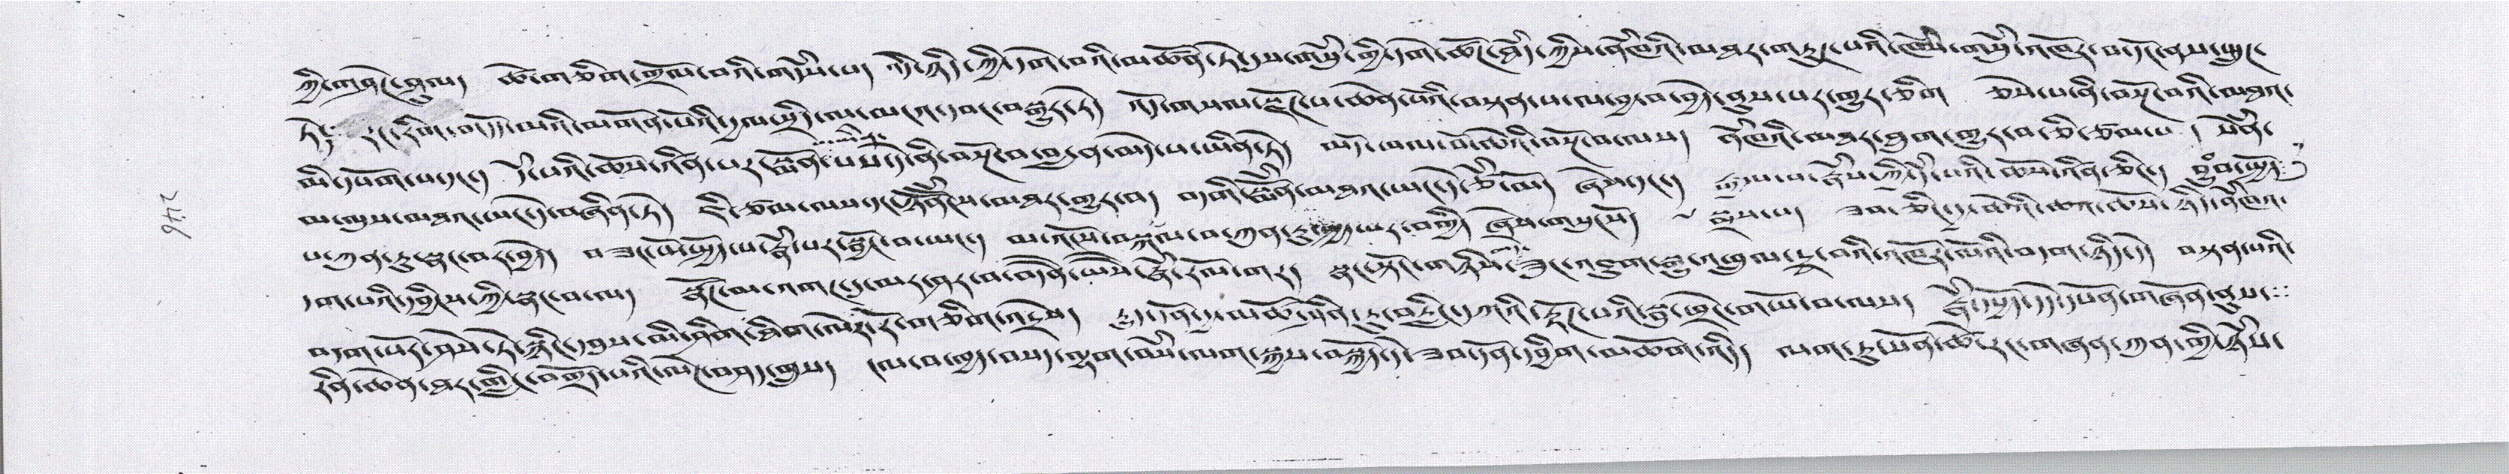ཀྱི་གཤེགས་ཤུལ། ཚེ་གཅིག་གྲོལ་བའི་གདམས་པ། འདི་ཉིད་ཀྱི་དགེ་བའི་མཚོན་ཏེ་དུས་གསུམ་གྱི་དགེ་ཚོགས་ཐམས་ཅད་ཀྱིས་ནམ་མཁའི་མཐར་གཏུགས་པའི་ཁམས་གསུམ་འཁོར་བ་དོང་ནས་སྤྲུགས་
ཏེ། རང་རིག་གདོད་མའི་མགོན་པོའི་རྒྱལ་སྲིད་ལ་མངའ་དབང་བསྒྱུར་ཏེ། འོད་གསལ་རྫོགས་པ་ཆེན་པོའི་བསྟན་པ་ལ་བྱ་བ་བྱེད་ནུས་པར་གྱུར་ཅིག ཅེས་པ་ནི་བསྔོ་བའི་མཐའ་
མི་དཔོག་པ་དང། དམ་པའི་ཆོས་འཛིན་པར་སྨོན་པ་ཡིན་པས་དེ་ནི་བསྔོ་བ་བླ་ན་མེད་པ་ཡིན་ཏེ། མདོ་ཕལ་བོ་ཆེའི་བསྔོ་བ་ལས། ནམ་མཁའི་མཐར་ཐུག་གྱུར་བ་ཅི་ཙམ་པ། སེམས་ཅན་
མ་ལུས་མཐའ་ཡང་དེ་བཞིན་ཏེ། ཇི་ཙམ་ལས་དང་ཉོན་མོངས་མཐར་གྱུར་བ། བདག་གི་སྨོན་ལམ་མཐའ་ཡང་དེ་ཙམ་མོ། ཞེས་དང། རྒྱལ་བ་རྣམས་ཀྱི་དམ་པའི་ཆོས་འཛིན་ཅིང། བྱང་ཆུབ་སྤྱོད་
པ་ཀུན་ཏུ་སྣང་བར་བྱེད། བཟང་པོ་སྤྱོད་པ་རྣམ་པར་སྦྱོང་བ་ཡང། མ་འོངས་བསྐལ་པ་ཀུན་ཏུ་སྤྱད་པར་བགྱི། ཞེས་གསུངས་སོ། ༧ སྨྲས་པ། ཟབ་ཅིང་རྒྱ་ཆེའི་ཆོས་ཉིད་ནམ་མཁའ་
དག་པའི་དབྱིངས་ཀྱི་སྣང་བ་ལ། སྣ་ཚོགས་མ་འགག་དུ་མར་ཤར་བ་བདེ་ཆེན་ཡེ་ཤེས་རྣམ་རོལ་གར། སྣང་སྟོང་གཉིས་མེད་ཟུང་འཇུག་སྒྱུ་འཕྲུལ་དྲྭ་བའི་འཁོར་ལོའི་བདག་ཉིད་དེ། བསྟན་པའི་
བདག་པོར་ཤེས་ཏེ་སྙིང་དབུས་མི་ཤིག་ཐིག་ལེར་རོ་གཅིག་འདྲེས། རྒྱུད་དོན་རྒྱ་མཚོ་ཤིན་ཏུ་བརླིང་དཀའི་རྟོགས་པའི་སྦུ་ཕྲེང་གཡོ་བ་ལས། རྣམ་དཔྱོད་དེད་དཔོན་གཞོན་ནུས་
རིན་ཆེན་ཐར་གླིང་བགྲོད་པའི་ལེགས་བཤད་གྲུས། ངལ་བ་ཁྱད་བསད་ལྷག་བསམ་ལག་སྐྱས་བསྐྱོད་དེ་ཟབ་དོན་དབྱིག་མཆོག་འདི། ལག་ཏུ་སོན་ཚེ་རང་གཞན་ཀུན་གྱི་ཉམས་